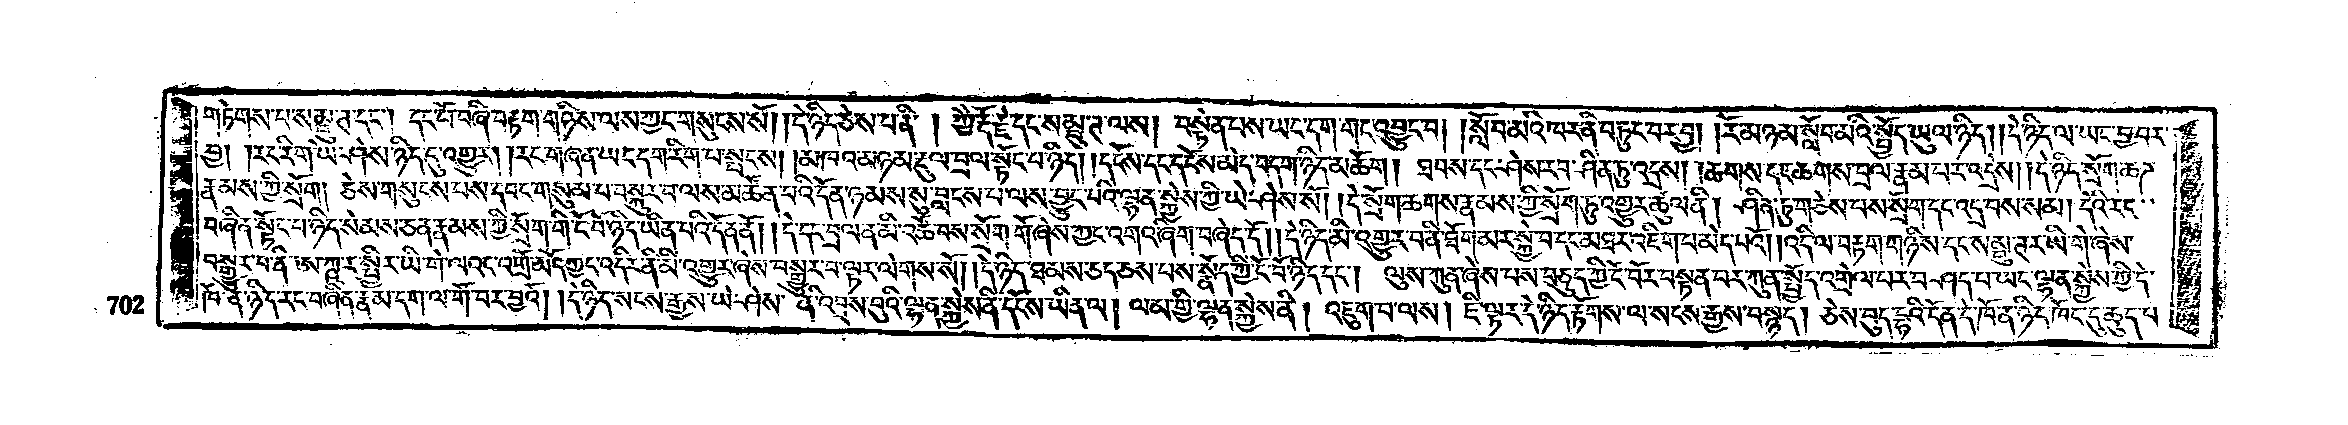གཏོགས་པ་སམྦུ་ཊ་དང་། དང་པོ་བཞི་བརྟག་གཉིས་ལས་ཀྱང་གསུངས་སོ། །དེ་ཉིད་ཅེས་པ་ནི། ཀྱཻ་རྡོ་རྗེ་དང་སམྦུ་ཊ་ལས། བསྟེན་པས་ཡང་དག་གང་འབྱུང་བ། །སློབ་མའི་ཁར་ནི་བཏུང་བར་བྱ། །རོ་མཉམ་སློབ་མའི་སྤྱོད་ཡུལ་ཉིད། །དེ་ཉིད་ལ་ཡང་བྱ་བར་
བྱ། །རང་རིག་ཡེ་ཤེས་ཉིད་དུ་འགྱུར། །རང་གཞན་ཡང་དག་རིག་པ་སྤངས། །མཁའ་མཉམ་རྡུལ་བྲལ་སྟོང་པ་ཉིད། །དངོས་དང་དངོས་མེད་བདག་ཉིད་མཆོག །ཐབས་དང་ཤེས་རབ་ཤིན་ཏུ་འདྲས། །ཆགས་དང་ཆགས་བྲལ་རྣམ་པར་འདྲེས། །དེ་ཉིད་སྲོག་ཆགས་
རྣམས་ཀྱི་སྲོག །ཅེས་གསུངས་པས་དབང་གསུམ་པ་བསྐུར་བ་ལས་མཚོན་པའི་དོན་ཉམས་སུ་བླངས་པ་ལས་བྱུང་བའི་ལྷན་སྐྱེས་ཀྱི་ཡེ་ཤེས་སོ། །དེ་སྲོག་ཆགས་རྣམས་ཀྱི་སྲོག་ཏུ་འགྱུར་ཚུལ་ནི། ཤིན་ཏུ་གཅེས་པས་སྲོག་དང་འདྲ་བས་སམ། དེའི་རང་
བཞིན་སྟོང་པ་ཉིད་སེམས་ཅན་རྣམས་ཀྱི་སྲོག་གི་ངོ་བོ་ཉིད་ཡིན་པའི་དོན་ནོ། །དེ་དང་བྲལ་ན་མི་འཚོ་བས་སྲོག་གོ་ཞེས་ཀྱང་འགའ་ཞིག་བཞེད་དོ། །དེ་ཉིད་མི་འགྱུར་བ་ནི་ཐོག་མར་སྐྱེ་བ་དང་མཐར་འཇིག་པ་མེད་པའོ། །འདི་ལ་བརྟག་གཉིས་དང་སམྦུ་ཊར་ཡི་གེ་ཞེས་
བསྒྱུར་བ་ནི་ཨ་ཀྵ་ར་སྤྱིར་ཡི་གེ་ལའང་འགྲོ་མོད་ཀྱང་འདིར་ནི་མི་འགྱུར་ཞེས་བསྒྱུར་བ་ལྟར་ལེགས་སོ། །དེ་ཉིད་ཐམས་ཅད་ཅེས་པས་སྣོད་ཀྱི་ངོ་བོ་ཉིད་དང་། ལུས་ཀུན་ཞེས་པས་བཅུད་ཀྱི་ངོ་བོར་བསྟན་པར་ཀུན་སྤྱོད་འགྲེལ་པར་བཤད་པ་ཡང་ལྷན་སྐྱེས་ཀྱི་དེ་
ཁོ་ན་ཉིད་རང་བཞིན་རྣམ་དག་ལ་གོ་བར་བྱའོ། །དེ་ཉིད་སངས་རྒྱས་ཡེ་ཤེས་ནི་འབྲས་བུའི་ལྷན་སྐྱེས་ནི་དངོས་ཡིན་ལ། ལམ་གྱི་ལྷན་སྐྱེས་ནི། འཇུག་པ་ལས། ཇི་ལྟར་དེ་ཉིད་རྟོགས་ལ་སངས་རྒྱས་བསྙད། ཅེས་བུད་དྷའི་དོན་དེ་ཁོ་ན་ཉིད་ཁོང་དུ་ཆུད་པ་